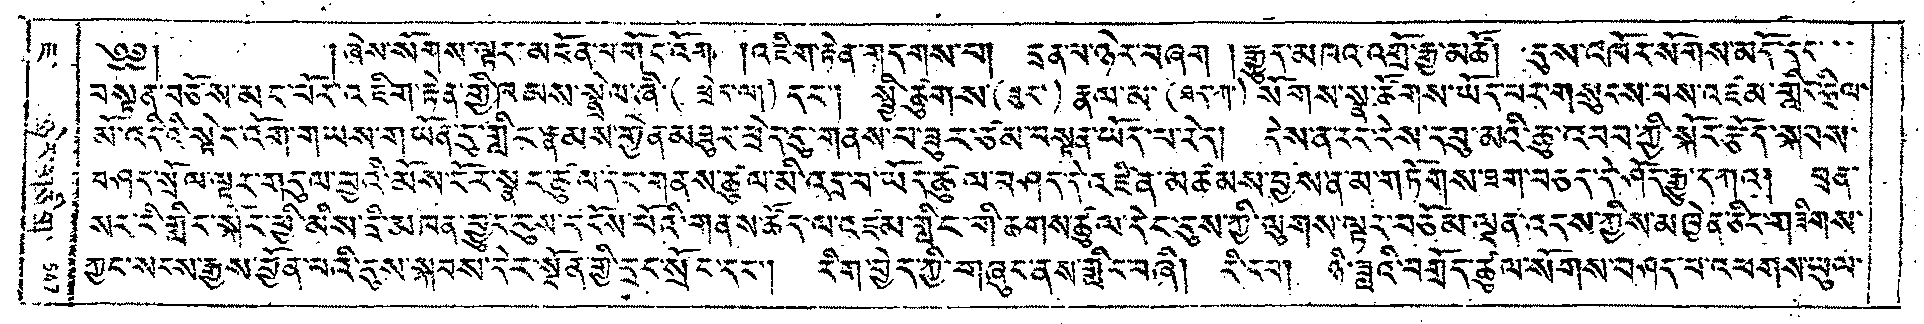༄༅། །ཞེས་སོགས་ལྟར་མངོན་པ་གོང་འོག །འཇིག་རྟེན་གདགས་པ། དྲན་པ་ཉེར་བཞག །རྒྱུད་མཁའ་འགྲོ་རྒྱ་མཚོ། དུས་འཁོར་སོགས་མེད་དང་
བསྟན་བཅོས་མང་པོར་འཇིག་རྟེན་གྱི་ཁམས་སྣྲེལ་ཞི་ཕྲེད་?་ལ།  དང་། སྤྱི་ཚུགས་ཐུར་རྣལ་མ་ཐད་ཀ་སོགས་སྣ་ཚོགས་ཡོད་པར་གསུངས་པས་འཛམ་གླིང་ཧྲིལ་
མོ་འདིའི་སྟེང་འོག་གཡས་གཡོན་དུ་གླིང་རྣམས་གྱེན་མཐུར་ཕྲེད་དུ་གནས་པ་ཟུར་ཙམ་བསྟན་ཡོད་པ་རེད། དེས་ན་རང་རེས་དབུ་མའི་ཆུ་འབབ་ཀྱི་སྐོར་རྩོད་སྐབས་
བཤད་སྲོལ་ལྟར་གདུལ་བྱའི་མོས་ངོར་སྣང་ཚུལ་དང་གནས་ཚུལ་མི་འདྲ་བ་ཡོད་ཚུལ་བཤད་དེ་འཛིན་མཚམས་བྱས་ན་མ་གཏོགས་ཐག་བཅད་དེ་ཤོད་རྒྱུ་དཀའ། ཕྲན་
སར་རི་གླིང་སྐོར་ཕྱི་མིས་དྲི་མཁན་བྱུང་དུས་དངོས་པོའི་གནས་ཚོད་ལ་འཛམ་གླིང་གི་ཆགས་ཚུལ་དེང་དུས་ཀྱི་ལུགས་ལྟར་བཅོམ་ལྡན་འདས་ཀྱིས་མཁྱེན་ཅིང་གཟིགས་
ཀྱང་སངས་རྒྱས་བྱོན་པའི་དུས་སྐབས་དེར་སྔོན་གྱི་དྲང་སྲོང་དང་། རིག་བྱེད་ཀྱི་གཞུང་ནས་གླིང་བཞི། རི་རབ། ཉི་ཟླའི་བགྲོད་ཚུལ་སོགས་བཤད་པ་འཕགས་ཡུལ་